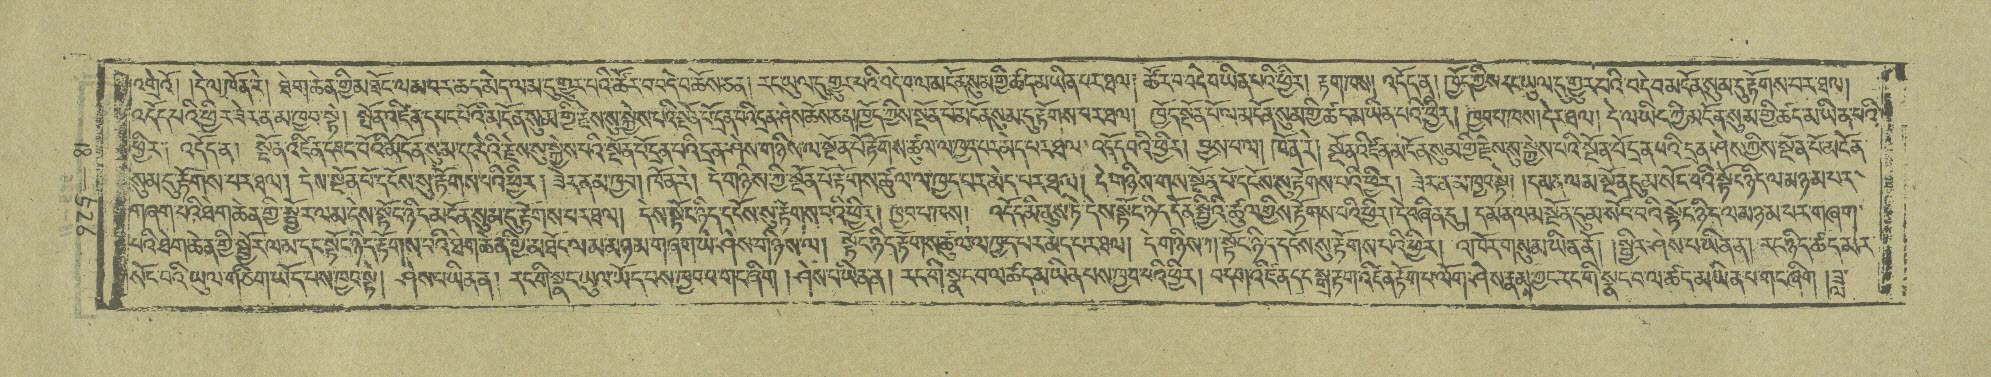འགྲེའོ། །དེ་ལ་ཁོ་ན་རེ། ཐེག་ཆེན་གྱི་མཐོང་ལམ་བར་ཆད་མེད་ལམ་དུ་གྱུར་པའི་ཚོར་བ་བདེ་བ་ཆོས་ཅན། རང་ཡུལ་དུ་གྱུར་པའི་བདེ་བ་ལ་མངོན་སུམ་གྱི་ཚད་མ་ཡིན་པར་ཐལ། ཚོར་བ་བདེ་བ་ཡིན་པའི་ཕྱིར། རྟག་ཁས། འདོད་ན། ཁྱོད་ཀྱིས་རང་ཡུལ་དུ་གྱུར་པའི་བདེ་བ་མངོན་སུམ་དུ་རྟོགས་པར་ཐལ།
འདོད་པའི་ཕྱིར་ཟེར་ན་མ་ཁྱབ་སྟེ། སྔོན་འཛིན་དབང་པོའི་མངོན་སུམ་གྱི་རྗེས་སུ་སྐྱེས་པའི་སྔོན་པོ་དྲན་པའི་དྲན་ཤེས་ཆོས་ཅན། ཁྱོད་ཀྱིས་སྔོན་པོ་མངོན་སུམ་དུ་རྟོགས་པར་ཐལ། ཁྱོད་སྔོན་པོ་ལ་མངོན་སུམ་གྱི་ཚད་མ་ཡིན་པའི་ཕྱིར། ཁྱབ་པ་ཁས། དེར་ཐལ། དེ་ལ་ཡིད་ཀྱི་མངོན་སུམ་གྱི་ཚད་མ་ཡིན་པའི་
ཕྱིར། འདོད་ན། སྔོན་འཛིན་དབང་པོའི་མངོན་སུམ་དང་དེའི་རྗེས་སུ་སྐྱེས་པའི་སྔོན་པོ་དྲན་པའི་དྲན་ཤེས་གཉིས་ལ་སྔོན་པོ་རྟོགས་ཚུལ་ལ་ཁྱད་པར་མེད་པར་ཐལ། འདོད་པའི་ཕྱིར། བྱས་པ་ལ། ཁོ་ན་རེ། སྔོན་འཛིན་མངོན་སུམ་གྱི་རྗེས་སུ་སྐྱེས་པའི་སྔོན་པོ་དྲན་པའི་དྲན་ཤེས་ཀྱིས་སྔོན་པོ་མངོན་
སུམ་དུ་རྟོགས་པར་ཐལ། དེས་སྔོན་པོ་དངོས་སུ་རྟོགས་པའི་ཕྱིར། ཟེར་ན་མ་ཁྱབ། ཁོ་ན་རེ། དེ་གཉིས་ཀྱི་སྔོན་པོ་རྟོགས་ཚུལ་ལ་ཁྱད་པར་མེད་པར་ཐལ། དེ་གཉིས་གས་སྔོན་པོ་དངོས་སུ་རྟོགས་པའི་ཕྱིར། ཟེར་ན་མ་ཁྱབ་སྟེ། །དམན་ལམ་སྔོན་དུ་མ་སོང་བའི་སྟོང་ཉིད་ལ་མཉམ་པར་
གཞག་པའི་ཐེག་ཆེན་གྱི་སྦྱོར་ལམ་དེས་སྟོང་ཉིད་མངོན་སུམ་དུ་རྟོགས་པར་ཐལ། དེས་སྟོང་ཉིད་དངོས་སུ་རྟོགས་པའི་ཕྱིར། ཁྱབ་པ་ཁས། འདོད་མི་ནུས་ཏེ་དེས་སྟོང་ཉིད་དོན་སྤྱིའི་ཚུལ་གྱིས་རྟོགས་པའི་ཕྱིར། དེ་བཞིན་དུ། དམན་ལམ་སྔོན་དུ་མ་སོང་བའི་སྟོང་ཉིད་ལ་མཉམ་པར་གཞག་
པའི་ཐེག་ཆེན་གྱི་སྦྱོར་ལམ་དང་སྟོང་ཉིད་རྟོགས་པའི་ཐེག་ཆེན་གྱི་མཐོང་ལམ་མཉམ་གཞག་ཡེ་ཤེས་གཉིས་ལ། སྟོང་ཉིད་རྟོགས་ཚུལ་ལ་ཁྱད་པར་མེད་པར་ཐལ། དེ་གཉིས་ཀ་སྟོང་ཉིད་དངོས་སུ་རྟོགས་པའི་ཕྱིར། འཁོར་གསུམ་ཡིན་ནོ། །སྤྱིར་ཤེས་པ་ཡིན་ན། རང་ཉིད་ཚད་མར་
སོང་བའི་ཡུལ་གཅིག་ཡོད་པས་ཁྱབ་སྟེ། ཤེས་པ་ཡིན་ན། རང་གི་སྣང་ཡུལ་ཡོད་པས་ཁྱབ་པ་གང་ཞིག །ཤེས་པ་ཡིན་ན། རང་གི་སྣང་བ་ལ་ཚད་མ་ཡིན་པས་ཁྱད་པའི་ཕྱིར། བདག་འཛིན་དང་སྒྲ་རྟགས་འཛིན་རྟོག་པ་ལོག་ཤེས་རྣམས་ཀྱང་རང་གི་སྣང་བ་ལ་ཚད་མ་ཡིན་པ་གང་ཞིག །ཟླ་